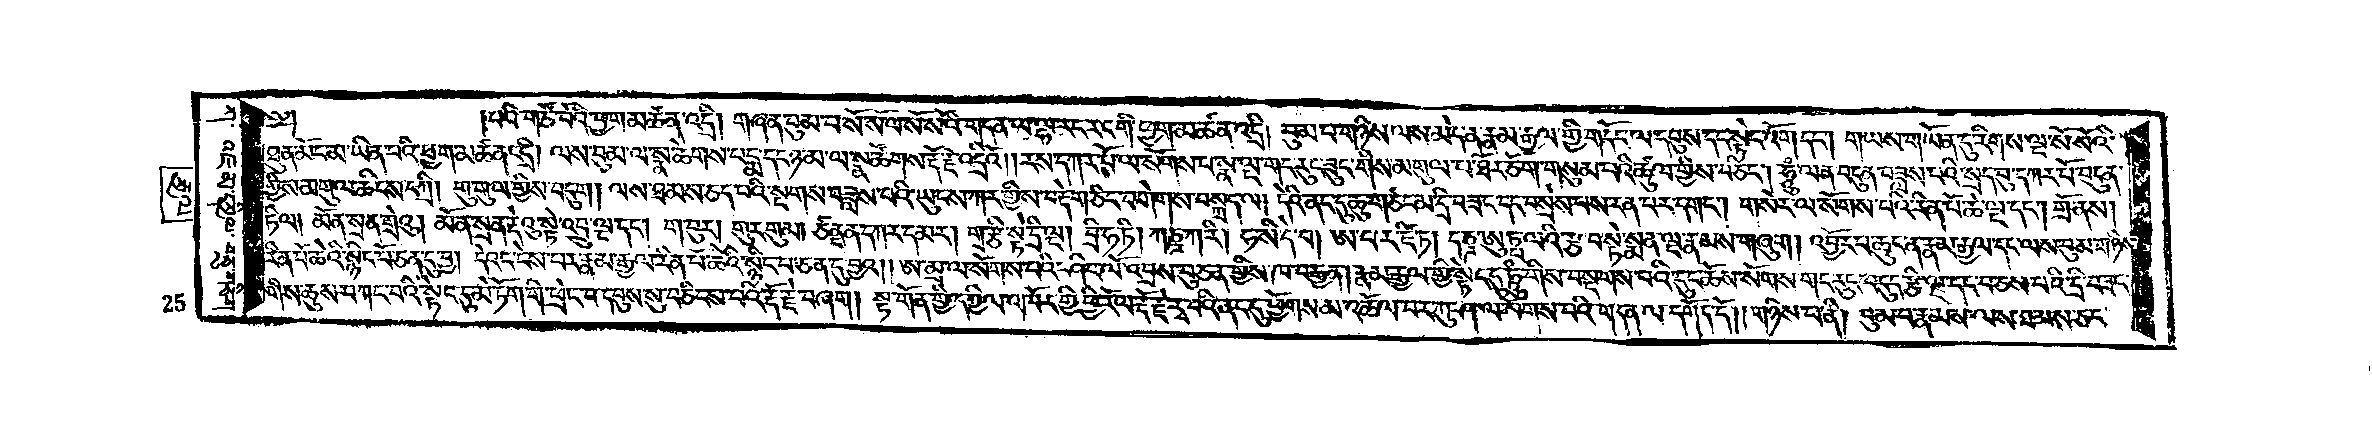༄༅། །པའི་གཙོ་བོའི་ཕྱག་མཚན་འདྲི། གཞན་བུམ་པ་སོ་སོ་ལ་སོ་སོའི་གདན་ལ་ལྷ་རང་རང་གི་ཕྱག་མཚན་འདྲི། བུམ་པ་གཉིས་ལས་མེད་ན་རྣམ་རྒྱལ་གྱི་གདོང་ལ་དབུས་དང་སྟེང་འོག་དང་། གཡས་གཡོན་དུ་རིགས་ལྔ་སོ་སོའི་
ཐུན་མོང་མ་ཡིན་པའི་ཕྱག་མཚན་འདྲི། ལས་བུམ་ལ་སྣ་ཚོགས་པདམ་དང་ཉི་མ་ལ་སྣ་ཚོགས་རྡོ་རྗེ་འདྲིའོ། །རས་དཀར་པོ་ལ་སོགས་པ་སྣ་ལྔ་གང་རུང་ཟུང་གིས་མགུལ་པ་ཐོར་ཅོག་གསུམ་པའི་ཚུལ་གྱིས་པ་ཅིང་། ཧཱུཾ་ལན་བདུན་བཟླས་པའི་སྲད་བུ་དཀར་པོ་བདུན་
གྱིས་མགུལ་ཆིངས་དཀྲི། གུ་གུལ་གྱིས་བདུག །ལས་ཐམས་ཅད་པའི་སྔགས་བཟླས་པའི་ཡུངས་ཀར་གྱིས་བརྡེག་ཅིང་བགེགས་བསྐྲད་ལ། དེའི་ནང་དུ་ཆུ་གཙང་མ་དྲི་བཟང་དང་བསྲེས་པས་རན་པར་དགང་། གསེར་ལ་སོགས་པའི་རིན་པོ་ཆེ་ལྔ་དང་། གྲོ་ནས།
ཏིལ། མོན་སྲན་གྲེའུ། མོ་ན་སྲན་རྡེའུ་སྟེ་འབྲུ་ལྔ་དང་། ག་བུར། གུར་གུམ། ཙནདན་དཀར་དམར། གྲ་རྩི་སྟེ་དྲི་ལྔ། བྲི་ཧ་ཏི། ཀཎཌ་ཀ་རི། ཧ་སི་དེ་བ། ཨ་པ་ར་ཛི་ཏ། དཎཌ་ཨུཏཔ་ལའི་རྩ་བ་སྟེ་སྨན་ལྔ་རྣམས་གཞུག །འབྱོར་བ་ཆུང་ན་རྣམ་རྒྱལ་དང་ལས་བུམ་གཉིས་
རིན་པོ་ཆེའི་སྙིང་པོ་ཅན་དུ་བྱ། དེའང་ངེས་པར་རྣམ་རྒྱལ་རིན་པོ་ཆེའི་སྙིང་པ་ཅན་དུ་བྱའོ། །ཨ་མྲ་ལ་སོགས་པའི་ཤིང་ལོ་འབྲས་བུ་ཅན་གྱིས་ཁ་བརྒྱན། རྣམ་རྒྱལ་གྱི་སྟེང་དུ་ཧཱུཾ་གིས་བསྔགས་པའི་དུང་ཆོས་སོགས་གང་རུང་བདུད་རྩི་ལྔ་དང་བཅས་པའི་དྲི་བཟང་
གིས་ཆུས་བཀང་བའི་སྟེང་དུ་མེ་ཏོག་གི་ཕྲེང་བ་དབུས་སུ་བཅིངས་པའི་རྡོ་རྗེ་བཞག །སྟ་གོན་གྱི་དཀྱིལ་འཁོར་གྱི་ཕྱི་རོལ་རྡོ་རྗེ་རྭ་བའི་ནང་དུ་ཕྱོགས་མ་འཆོལ་བར་ཀུ་ཤ་ལ་སོགས་པའི་གདན་ལ་དགོད་དོ། །གཉིས་པ་ནི། བུམ་པ་རྣམས་ལས་ཐམས་ཅད་